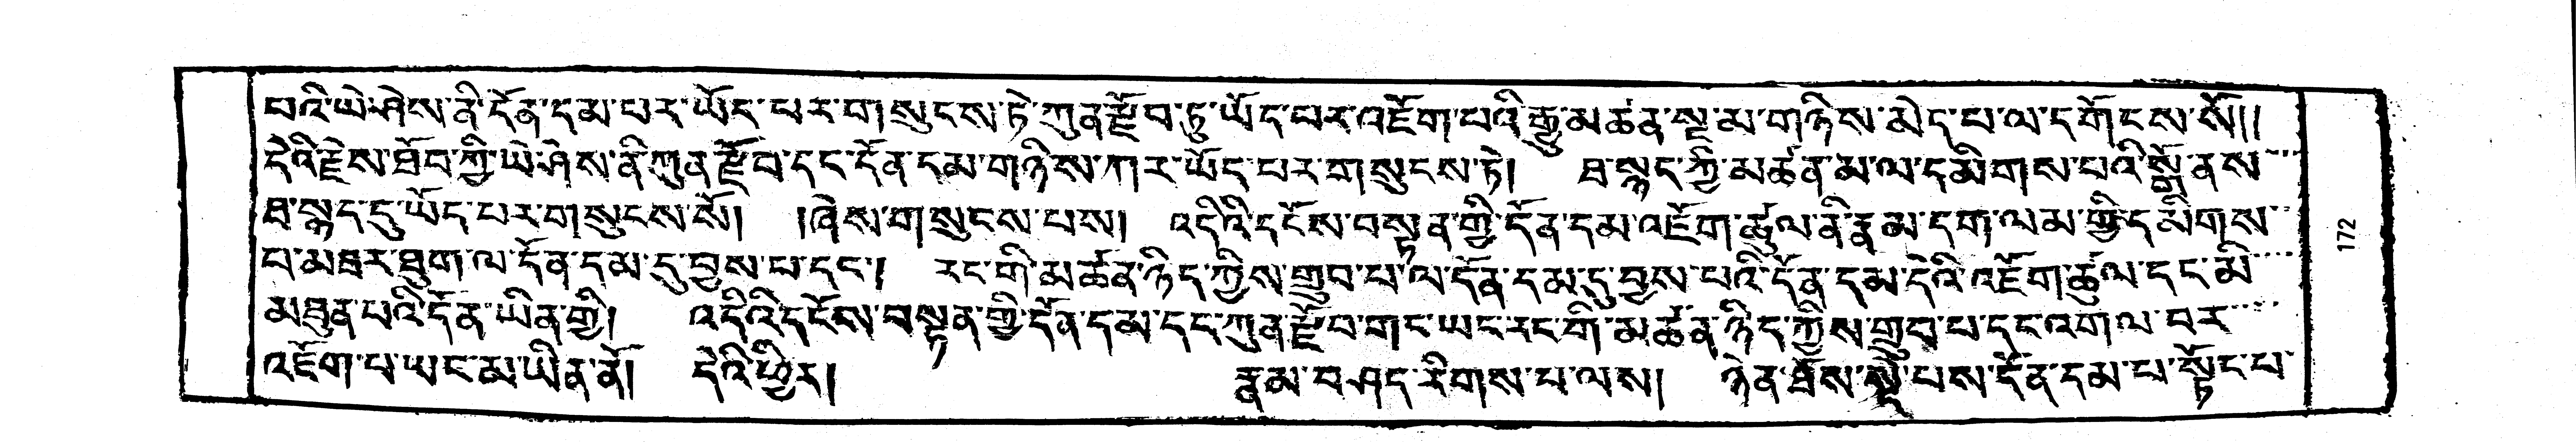བའི་ཡེ་ཤེས་ནི་དོན་དམ་པར་ཡོད་པར་གསུངས་ཏེ་ཀུན་རྫོབ་ཏུ་ཡོད་པར་འཇོག་པའི་རྒྱུ་མཚན་སྔ་མ་གཉིས་མེད་པ་ལ་དགོངས་སོ། །
དེའི་རྗེས་ཐོབ་ཀྱི་ཡེ་ཤེས་ནི་ཀུན་རྫོབ་དང་དོན་དམ་གཉིས་ཀར་ཡོད་པར་གསུངས་ཏེ། ཐ་སྙད་ཀྱི་མཚན་མ་ལ་དམིགས་པའི་སྒོ་ནས་
ཐ་སྙད་དུ་ཡོད་པར་གསུངས་སོ། །ཞེས་གསུངས་པས། འདིའི་དངོས་བསྟན་གྱི་དོན་དམ་འཇོག་ཚུལ་ནི་རྣམ་དག་ལམ་གྱི་དམིགས་
པ་མཐར་ཐུག་ལ་དོན་དམ་དུ་བྱས་པ་དང་། རང་གི་མཚན་ཉིད་ཀྱིས་གྲུབ་པ་ལ་དོན་དམ་དུ་བྱས་པའི་དོན་དམ་དེའི་འཇོག་ཚུལ་དང་མི་
མཐུན་པའི་དོན་ཡིན་གྱི། འདིའི་དངོས་བསྟན་གྱི་དོན་དམ་དང་ཀུན་རྫོབ་གང་ཡང་རང་གི་མཚན་ཉིད་ཀྱིས་གྲུབ་པ་དང་འགལ་བར་
འཇོག་པ་ཡང་མ་ཡིན་ནོ། དེའི་ཕྱིར། རྣམ་བཤད་རིགས་པ་ལས། ཉེན་ཐོས་སྡེ་པས་དོན་དམ་པ་སྟོང་པ་